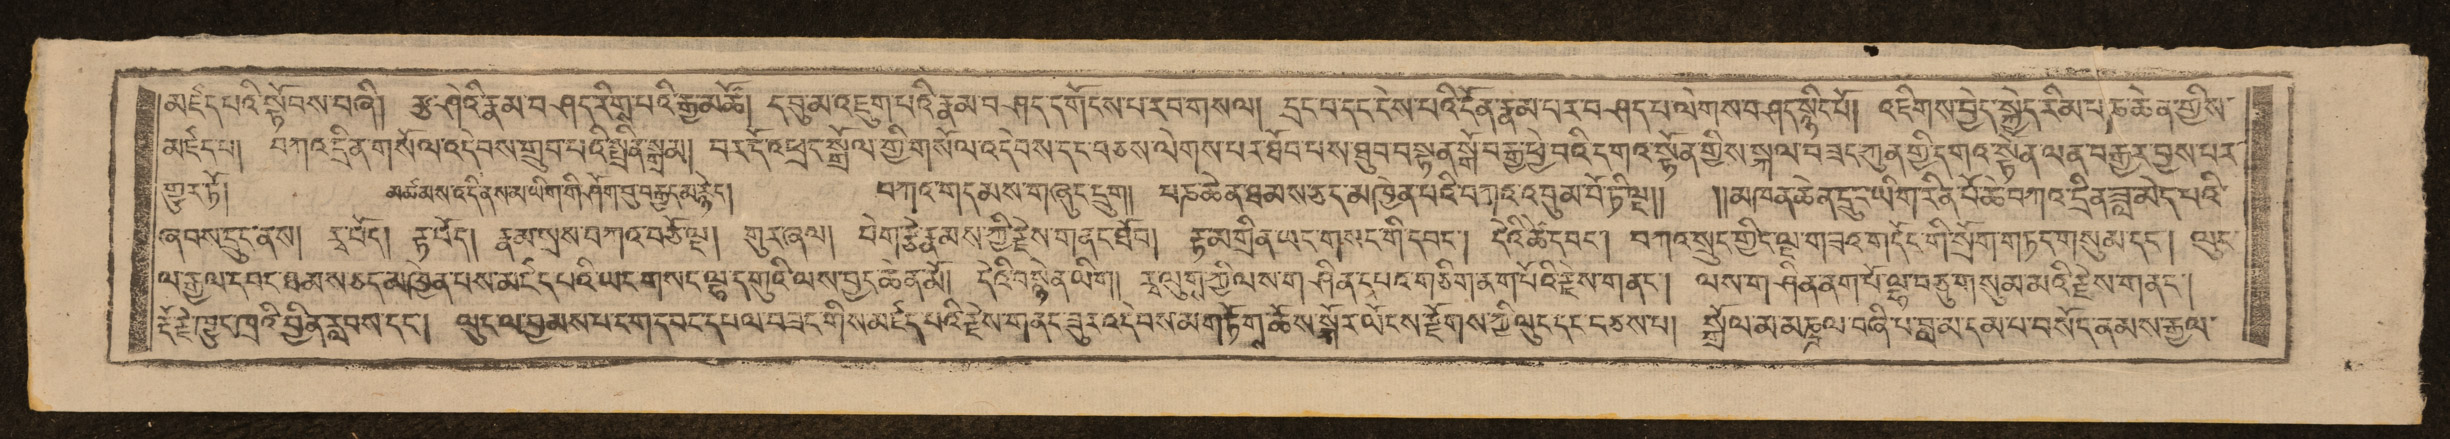མཛད་པའི་སྟོབས་བཞི། རྩ་ཤེའི་རྣམ་བཤད་རིགས་པའི་རྒྱ་མཚོ། དབུ་མ་འཇུག་པའི་རྣམ་བཤད་དགོངས་པ་རབ་གསལ། དྲང་བ་དང་ངེས་པའི་དོན་རྣམ་པར་བཤད་པ་ལེགས་བཤད་སྙིང་པོ། འཇིགས་བྱེད་སྐྱེད་རིམ་པཎ་ཆེན་གྱིས་
མཛད་པ། བཀའ་དྲིན་གསོལ་འདེབས་གྲུབ་པའི་སྤྲིན་སྒྲ་མ། བར་དོ་འཕྲང་སྒྲོལ་གྱི་གསོལ་འདེབས་དང་བཅས་ལེགས་པར་ཐོབ་པས་ཐུབ་བསྟན་སྒོ་བརྒྱ་ཕྱེ་བའི་དགའ་སྟོན་གྱིས་སྐལ་བཟང་ཀུན་གྱི་དགའ་སྟོན་ལན་བརྒྱར་བྱས་པར་
གྱུར་ཏོ༑ མཚམས་འདི་ནས་མ་ཡིག་གི་ཤོག་བུ་བརྒྱད་མ་རྙེད། བཀའ་གདམས་གཞུང་དྲུག། པཎ་ཆེན་ཐམས་ཅད་མཁྱེན་པའི་བཀའ་འབུམ་པོ་ཏི་ལྔ།། །།མཁན་ཆེན་དྲུང་ཡིག་རིན་པོ་ཆེ་བཀའ་དྲིན་ཟླ་མེད་པའི།
ཞབས་དྲུང་ནས། རྭ་བོད། རྟ་བོད། རྣམས་སྲས་བཀའ་བཅོ་ལྔ། གུར་ཞལ། པེག་རྩེ་རྣམས་ཀྱི་རྗེས་གནང་ཐོབ། རྟ་མགྲིན་ཡང་གསང་གི་དབང་། དེའི་ཚེ་དབང་། བཀའ་སྲུང་གྱིང་ལྔ་གཟའ་གདོང་གི་སྲོག་གཏང་གསུམ་དང་། ལུབ་
ལ་རྒྱལ་དབང་ཐམས་ཅད་མཁྱེན་པས་མཛད་པའི་ཡང་གསང་ལྷ་དགུའི་ལས་བྱང་ཆེན་མོ། དེའི་བསྙེན་ཡིག། རྭ་ལུགས་ཀྱི་ལས་གཤིན་དཔའ་གཅིག་ནག་པོའི་རྗེས་གནང་། ལས་གཤིན་ནག་པོ་ལྷ་བཅུ་གསུམ་མའི་རྗེས་གནད།
རྡོ་རྗེ་ཁྱུང་ཁྲའི་བྱིན་རླབས་དང་། ལུང་ལ་བྱམས་པ་ངག་དབང་དཔལ་བཟང་གིས་མཛད་པའི་རྗེས་གནང་ཟུར་འདེབས་མ་གཏོགས་ཆོས་སྐོར་ཡོངས་རྫོགས་ཀྱི་ལུང་དང་བཅས་པ། སྒྲོལ་མ་མཎྜལ་བཞི་པ་བླ་མ་དམ་པ་བསོད་ནམས་གྱས་